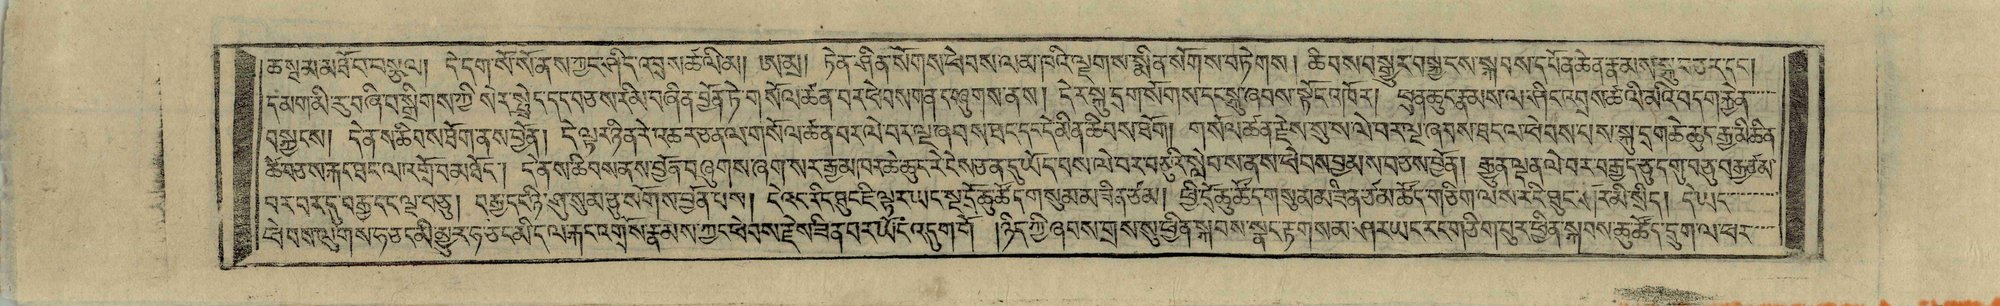ཆ་སྔམ་མཐོ་བ་བསྩལ། དེ་དག་སོ་སོ་ནས་ཀྱང་ཤིང་འབྲས་ཚ་ལི་མ། ཨ་མྲ། ཏེན་ཤིན་སོགས་ཕེབས་ལམ་ཁའི་ལྡགས་སྨིན་སོགས་བཏེགས། ཆིབས་བསྒྱུར་བསྐྱངས་སྐབས་དཔོན་ཆེན་རྣམས་སྐུ་བཅར་དང་།
དམག་མི་རུ་བཞི་བ་སྒྲིགས་ཀྱི་སེར་སྤྲེང་དང་བཅས་རིམ་བཞིན་བྱོན་ཏེ་གསོལ་ཚན་བར་ཕེབས་གནང་བཞུགས་ནས། དེར་སྐུ་དྲག་སོགས་དང་སྐུ་ཞབས་སྟོང་འཁོར། ཕྲན་ཆུང་རྣམས་ལ་ཤིང་འབྲས་ཚ་ལི་མའི་བདག་རྐྱེན་
བསྐྱངས། དེ་ནས་ཆིབས་ཐོག་ནས་བྱོན། དེ་ལྟར་ཉིན་རེ་འཆར་ཅན་ལ་གསོལ་ཚན་བར་ལེ་བར་ལྔ་ཞབས་ཐང་དང་དེ་མིན་ཆིབས་ཐོག །གསོལ་ཚན་རྗེས་སུ་ས་ལེ་བར་ལྔ་ཞབས་ཐང་ལ་ཕེབས་པས་སྐུ་དྲག་ཆེ་ཆུང་རྒྱ་མི་ཆིན་
ཚེ་བཅས་རྐང་ཐང་ལ་འགྲོ་བ་མཐོང་། དེ་ནས་ཆིབས་ནས་བྱོན་བཞུགས་ཞག་སར་རྒྱ་མཁར་ཆེ་ཆུང་རེ་ངེས་ཅན་དུ་ཡོད་པས་ལེ་བར་བཅུའི་སླེབ་ས་ནས་ཕེབས་བྱམས་བཅས་བྱོན། རྒྱུན་ལྡན་ལེ་བར་བརྒྱད་ཅུ་དགུ་བཅུ་བརྒྱ་ཙམ་
བར་བར་དུ་བརྒྱ་དང་ལྔ་བཅུ། བརྒྱ་དང་ཉི་ཤུ་སུམ་ཅུ་སོགས་བྱོན་པས། དེའང་རིང་ཐུང་ཇི་ལྟར་ཡང་སྔ་དྲོ་ཆུ་ཚོད་གསུམ་མ་ཟིན་ཙམ། ཕྱི་དྲོ་ཆུ་ཚོད་གསུམ་མ་ཟིན་ཙམ་ཚོད་གཅིག་ལས་རིང་ཐུང་ཤོར་མི་སྲིད། དེ་ཡང་
ཕེབས་ལུགས་ཧ་ཅང་མི་མྱུར་ཧ་ཅང་མི་དལ་རྐང་འགྲོས་རྣམས་ཀྱང་ཕེབས་རྗེས་ཟིན་པར་ཡོང་འདུག་གོ །ཉིད་ཀྱི་ཞབས་གྲས་སུ་ཕྱིན་སྐབས་སྣང་རྟགས་མ་ཤར་ཡང་རང་གཅིག་པུར་ཕྱིན་སྐབས་ཆུ་ཚོད་དྲུག་ལ་ཕར་